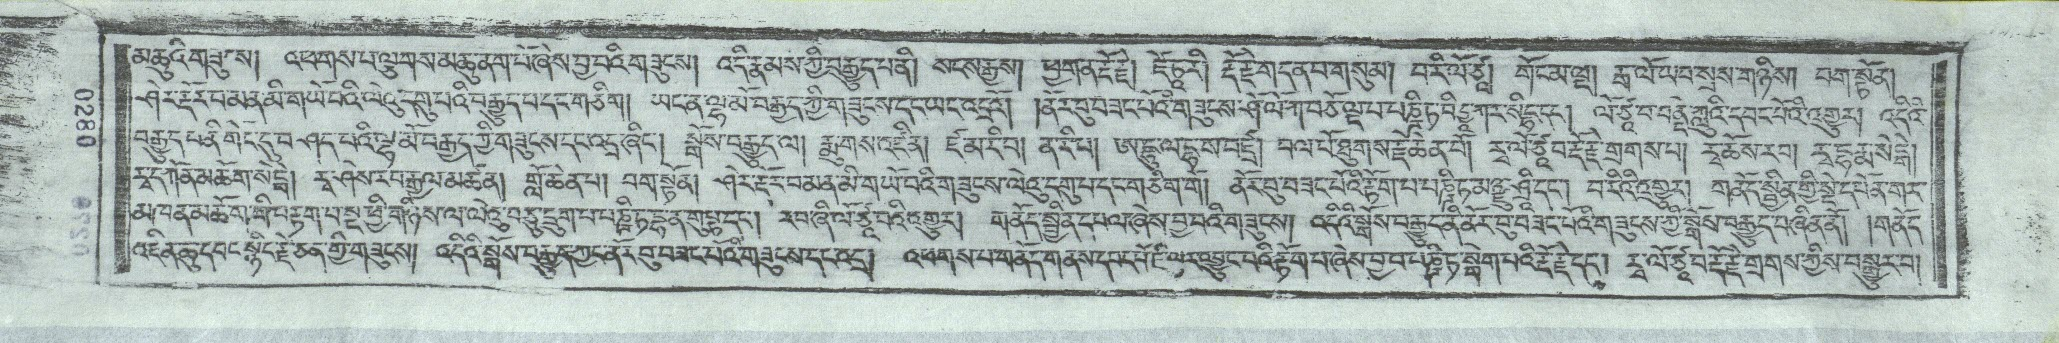མཆུའི་གཟུངས། འཕགས་པ་ལྕགས་མཆུ་ནག་པོ་ཞེས་བྱ་བའི་གཟུངས། འདི་རྣམས་ཀྱི་བརྒྱུད་པ་ནི། སངས་རྒྱས། ཕྱག་ན་རྡོ་རྗེ། ཛོ་ཏཱ་རི། རྡོ་རྗེ་གདན་པ་གསུམ། བ་རི་ལོ་ཙཱ། གོང་མ་ལྔ། རྒ་ལོ་ཡབ་སྲས་གཉིས། བག་སྟོན།
ཤེར་རྡོར་པ་མན་མི་གཡོ་བའི་ལེའུ་དགུ་པའི་བརྒྱུད་པ་དང་གཅིག། ཡང་ན་ལྷ་མོ་བརྒྱད་ཀྱི་གཟུངས་དང་ཡང་འདྲའོ། །ནོར་བུ་བཟང་པོའི་གཟུངས་ཤོ་ལོ་ཀ་བཅོ་ལྔ་པ་པཎྜི་ཏ་བིདྱ་ཀ་ར་སིདྷ་དང་། ལོ་ཙཱ་བ་བེནྡ་ཀླུའི་དབང་པོའི་འགྱུར། འདིའི་
བརྒྱུད་པ་ནི་གོང་དུ་བཤད་པའི་ལྷ་མོ་བརྒྱད་ཀྱི་གཟུངས་དང་འདྲ་ཞིང་། སྒོས་བརྒྱུད་ལ། རྨུགས་འཛིན། ཛ་མ་རི་བ། ན་རི་པ། ཨ་དྷུ་ལ་དྷ་ས་བཛྲ། བལ་པོ་ཐུགས་རྗེ་ཆེན་པོ། རྭ་ལོ་ཙཱ་བ་རྡོ་རྗེ་གྲགས་པ། རྭ་ཆོས་ཅན། རྭ་དྷ་རྨ་སེངྒེ།
རྭ་དཀོན་མཆོག་སེངྒེ། རྭ་ཤེས་རབ་རྒྱལ་མཚན། གློ་ཆེན་པ། བག་སྟོན། ཤེར་རྡོར་?ཕ་མན་མི་གཡོ་བའི་གཟུངས་ལེའུ་དགུ་པ་དང་གཅིག་གོ། ནོར་བུ་བཟང་པོའི་རྟོག་པ་པཎྜི་ཏ་མཉྫུ་ཤྲཱི་དང་། བ་རིའི་འགྱུར། གནོད་སྦྱིན་གྱི་སྡེ་དཔོན་གར་
མཁན་མཆོག་གི་བརྟག་པ་སྔ་ཕྱི་གཉིས་ལ་ལེའུ་བཅུ་དྲུག་པ་པཎྜི་ཏ་ལྷ་ན་གུ་བྷ་དང་། རབ་བཞི་ལོ་ཙཱ་བའི་འགྱུར། གནོད་སྦྱིན་དཔལ་ཞེས་བྱ་བའི་གཟུངས། འདིའི་སྒོས་བརྒྱུད་ནི་ནོར་བུ་བཟང་པོའི་གཟུང་གྱི་སྒོས་བྱ་རྒྱུད་བཞིན་ནོ། །གནོད་
འཛིན་ཆུ་དབང་སྙིང་རྗེ་ཅན་གྱི་གཟུངས། འདིའི་སྒོས་བརྒྱུད་ཀྱང་ནོར་བུ་བཟང་པོའི་གཟུངས་དང་འདྲ། འཕགས་པ་གནོད་གནས་དབང་པོ་ཇི་ལྟར་འབྱུང་བའི་རྟོག་པ་ཞེས་བྱ་བ་པཎྜི་ཏ་སླེག་པའི་རྡོ་རྗེ་དང་། རྭ་ལོ་ཙཱ་བ་རྡོ་རྗེ་གྲགས་ཀྱིས་བསྒྱུར་བ།